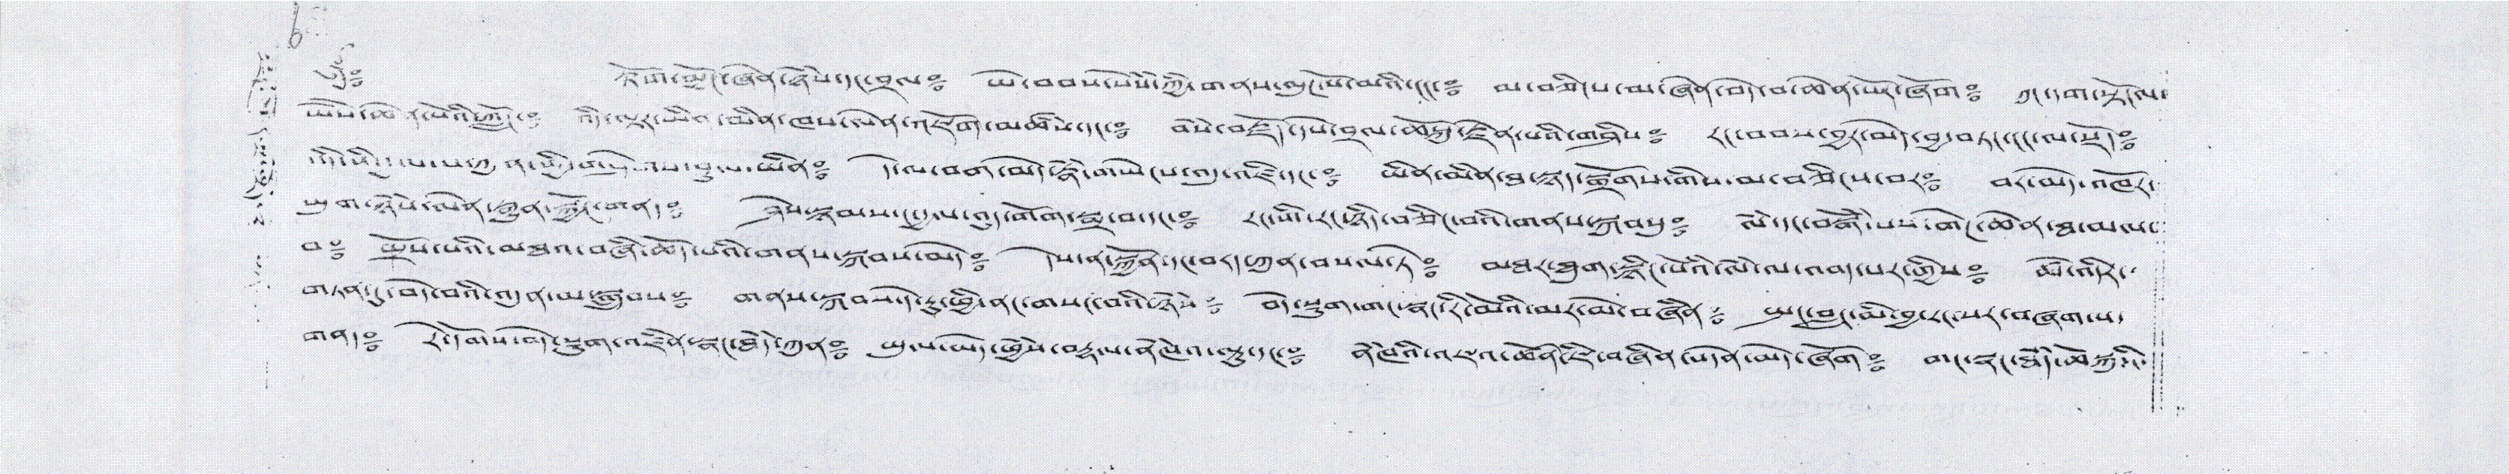རྟོག་མྱོང་ཞེན་རྣམས་དང་བྲལཿ ཡེ་བབས་སེམས་ཀྱི་གནས་ལུགས་སོ་མའི་ངངཿ མ་བཅིངས་མ་ཞེན་བདེ་བ་ཆེན་པོར་ཞོགཿ ཀ་དག་སྟོང་པ་
ཡེ་ཤེས་ཆེན་པོའི་ཀློངཿ འདི་ལྟར་ཡིན་མིན་ཁས་ལེན་འཇོག་མཚམས་དངཿ བསམ་བརྗོད་དཔེ་བྲལ་ཆོས་སྐུ་རྗེན་པའི་གཤིསཿ རང་བབས་བྱར་མེད་བྱ་བཏང་ངང་ལ་སྡོདཿ 
འདི་ནི་རྒྱལ་བ་ཀུན་གྱི་གཤེགས་ཤུལ་ཡིནཿ དེ་ལ་བག་མེད་རྣམ་གཡེངས་འདུ་འཛི་དངཿ ཡིན་མིན་ཐ་སྙད་སྒྲོག་གིས་མ་བཅིང་བརཿ བར་མེད་འཁོར་
ཡུག་ཉམས་ལེན་རྒྱུན་སྐྱོང་གནདཿ ཤེས་སྙམས་ང་རྒྱལ་འུད་སྒྲོག་སྨྲ་བ་དངཿ རང་གིས་རང་ཉིད་བཅིངས་པའི་གནས་སྐབས་སུཿ ལམ་དང་སྒོམ་པས་གེགས་ཆེན་ཐ་མལ་
བཿ སྤྲོས་པའི་མཐའ་བཞི་ཆོད་པའི་གནས་སྐབས་མེདཿ དེས་ན་སྐྱོན་དང་བར་ཆད་ཀུན་བསལ་ཏེཿ མཐར་ཐུག་སྙིང་པོའི་ལམ་ལ་འབད་པར་གྱིསཿ ཚེ་འདིར་
གཏན་དུ་བདེ་བའི་འདུན་མ་སྒྲུབསཿ གནས་སྐབས་དེ་རུ་ཕྱི་ནང་གསང་བའི་ཉམསཿ བདེ་སྡུག་གང་སྣང་རི་མོའི་མར་མེ་བཞིནཿ སྤང་བླང་མི་བྱ་རང་སར་བཞག་པ་
གནདཿ རེ་དྭོགས་བདེ་སྡུག་འཛིན་སྣང་ཐམས་ཅད་ཀུནཿ ཡུལ་མེད་ཕྱམ་བརྡལ་ནམ་མཁའ་ལྟ་བུ་དངཿ ནམ་མཁའི་འཇའ་ཚོན་ཇི་བཞིན་བདེན་མེད་ཞོགཿ གང་སྣང་ཐམས་ཅད་ཆོས་སྐུའི་